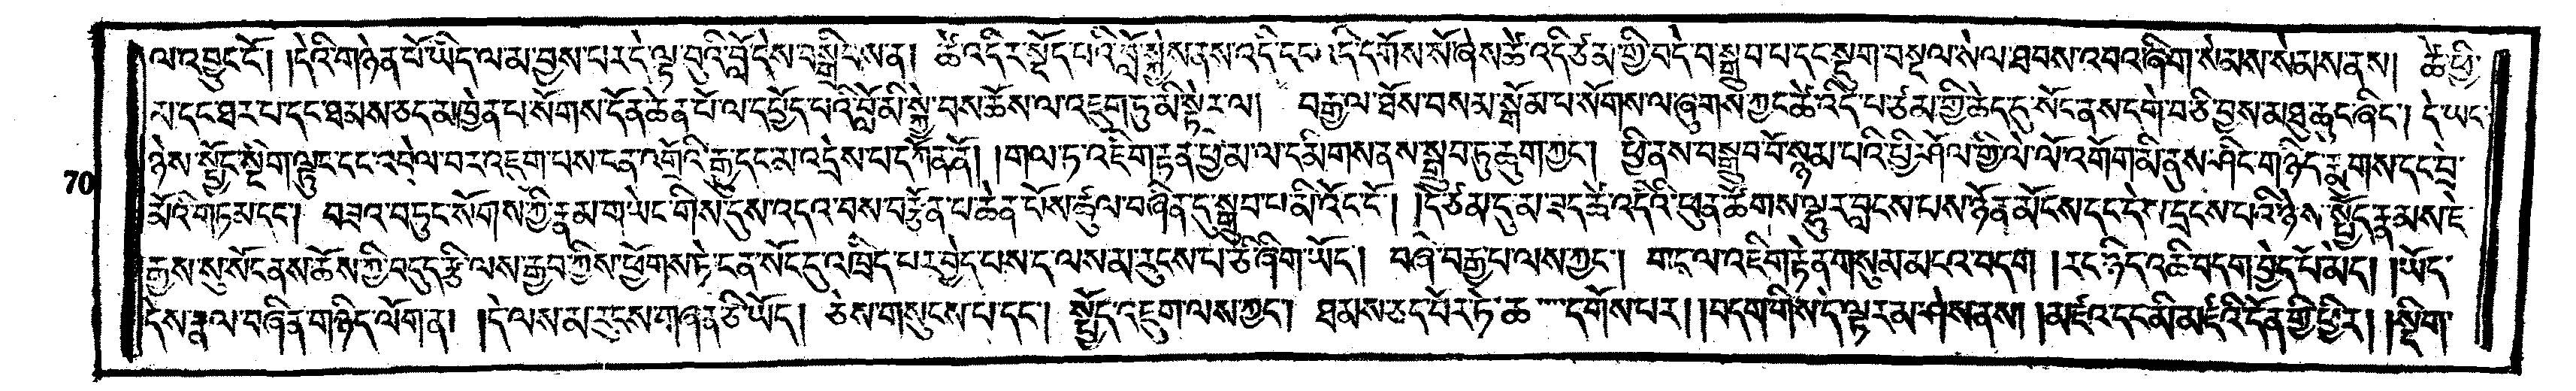ལ་འབྱུང་ངོ ། །དེའི་གཉེན་པོ་ཡིད་ལ་མ་བྱས་པར་དེ་ལྟ་བུའི་བློ་དེས་བསྒྲིབས་ན། ཚེ་འདིར་སྡོད་པའི་བློ་སྐྱེས་ནས་འདི་དང་། །འདི་དགོས་སོ་ཞེས་ཚེ་འདི་ཙམ་གྱི་བདེ་བ་སྒྲུབ་པ་དང་སྡུག་བསྔལ་སེལ་ཐབས་འབའ་ཞིག་སེམས་སེམས་ནས། ཚེ་ཕྱི་
མ་དང་ཐར་པ་དང་ཐམས་ཅད་མཁྱེན་པ་སོགས་དོན་ཆེན་པོ་ལ་དཔྱོད་པའི་བློ་མི་སྐྱེ་བས་ཆོས་ལ་འཇུག་ཏུ་མི་སྟེར་ལ། བརྒྱ་ལ་ཐོས་བསམ་སྒོམ་པ་སོགས་ལ་ཞུགས་ཀྱང་ཚེ་འདི་པ་ཙམ་གྱི་ཆེད་དུ་སོང་ནས་དགེ་བ་ཅི་བྱས་མཐུ་ཆུང་ཞིང་། དེ་ཡང་
ཉེས་སྤྱོང་སྡིག་ལྟུང་དང་འབྲེལ་བར་འཇུག་པས་ངན་འགྲོའི་རྒྱུ་དང་མ་འདྲེས་པ་དཀོན་ནོ། །གལ་ཏ་འཇིག་རྟན་ཕྱི་མ་ལ་དམིགས་ནས་སྒྲུབ་ཏུ་ཆུག་ཀྱང་། ཕྱི་ནས་བསྒྲུབ་བོ་སྙམ་པའི་ཕྱི་ཤོལ་གྱི་ལེ་ལོ་འགོག་མི་ནུས་ཤིང་གཉིད་རྨུགས་དང་བྲེ་
མོའི་གཏམ་དང་། བཟའ་བཏུང་སོགས་ཀྱི་རྣམ་གཡེང་གིས་དུས་འདའ་བས་བརྩོན་པ་ཆེན་པོས་ཚུལ་བཞིན་དུ་སྒྲུབ་པ་མི་འོང་ངོ ། །དེ་ཙམ་དུ་མ་ཟད་ཚེ་འདིའི་ཕུན་ཚོགས་ལྷུར་བླངས་པས་ཉོན་མོངས་དང་དེས་དྲངས་པའི་ཉེས་སྤྱོད་རྣམས་ཇེ་
རྒྱས་སུ་སོང་ནས་ཆོས་ཀྱི་བདུད་རྩི་ལས་རྒྱབ་ཀྱིས་ཕྱོགས་ཏེ་ངན་སོང་དུ་འཁྲིད་པར་བྱེད་པས་ད་ལས་མ་རུངས་པ་ཞིག་ཡོད། བཞི་བརྒྱ་པ་ལས་ཀྱང་། གང་ལ་འཇིག་རྟེན་གསུམ་མངའ་བདག །རང་ཉིད་འཆི་བདག་བྱེད་པོ་མེད། །ཡོད་
དེས་རྣལ་བཞིན་གཉིད་ལོག་ན། །དེ་ལས་མ་རུངས་གཞན་ཅི་ཡོད། ཅེས་གསུངས་པ་དང་། སྤྱོད་འཇུག་ལས་ཀྱང་། ཐམས་ཅད་བོར་ཏེ་ཆ་དགོས་པར། །བདག་གིས་དེ་ལྟར་མ་ཤེས་ནས། །མཛའ་དང་མི་མཛའི་དོན་གྱི་ཕྱིར། །སྡིག་